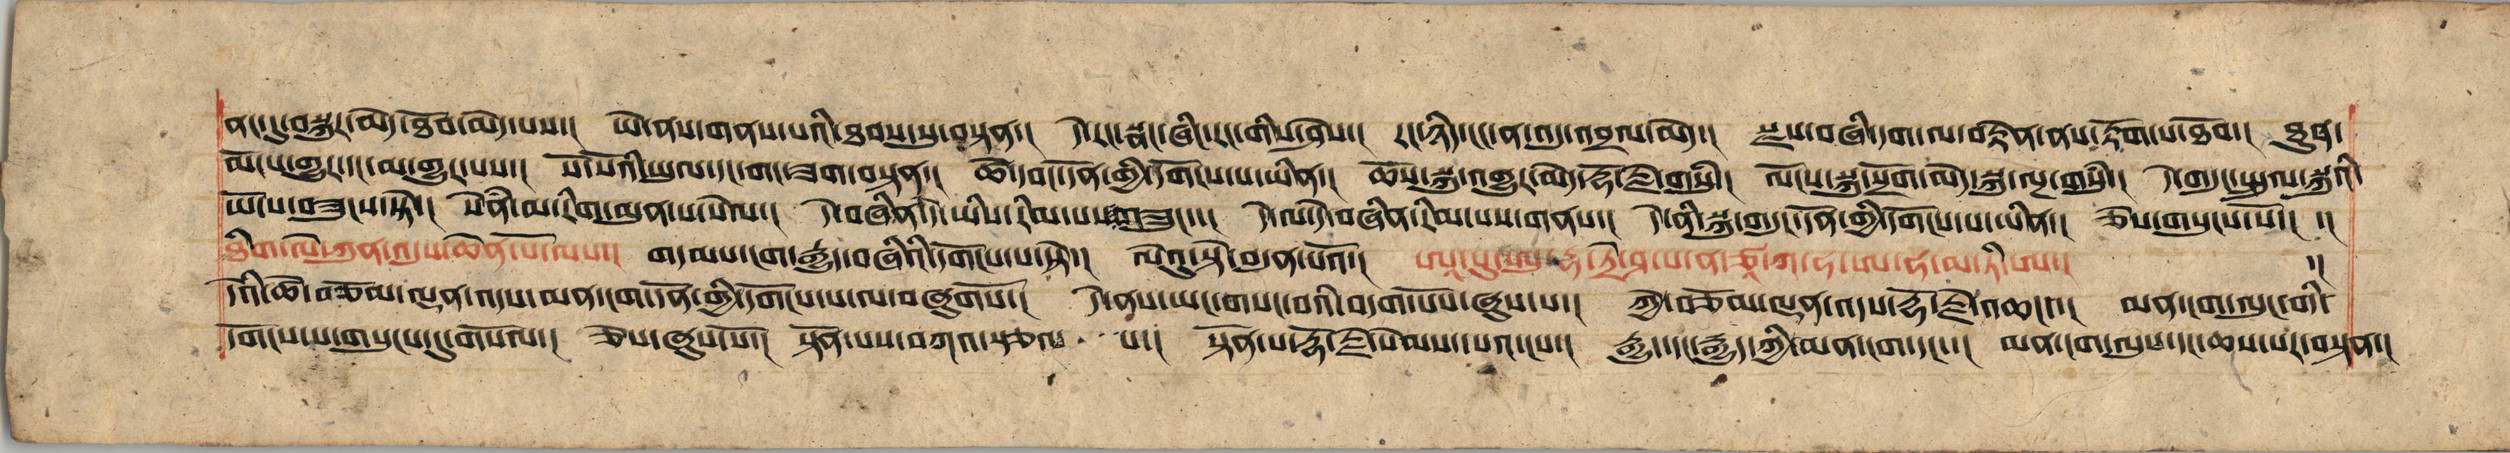ནང་དུ་བསྐུར་མེ་དཐོབ་མེད་པས་། ཡེ་ནས་གནས་པའི་ཐབས་སུ་བསྟན་། དེ་རང་སྣང་ཞིང་རང་གིས་ཤེས་། རང་ཉིད་ངང་ན་འདུ་འབྲལ་མེད་། སྫས་བཞི་དག་ལ་བརྟེན་ནས་རྟོག་པ་ཐོབ་། ཐུན་
མོངས་གྱུར་དང་མ་གྱུར་པས་། སོ་སོའི་ཡུལ་དང་གང་ཟག་བསྟན་། ཚེ་དབང་དོན་གྱི་དགོངས་པ་ཡིན་། ཆོས་སྐུ་འགྱུར་མེད་རྡོ་རྗེ་གསུཾ་། ལོངས་སྐུ་སྲོག་མེད་སྐུ་ལྔ་གསུཾ་། དེ་གདུང་སྤྲུལ་སྐུའི་
ཡོངས་བཟུངས་སྟེ་། སེནཾ་མ་རིག་མུན་པ་སེལ་། དེ་བཞིན་དེ་ཡིས་རིམ་པས་གཟུང་་། དེ་ལ་དེ་བཞིན་རིམ་པས་གནས་། དེ་ནི་སྐུ་གདུང་དོན་གྱི་དགོངས་པ་ཡིན་། ཅེས་གསུངས་སོ་།
ཐིག་ལེ་ཀུན་འདུས་ཆེན་པོ་ལས་། གདམས་ངག་རྒྱུད་བཞིའི་དགོངས་པ་སྟེ་། ལེའུ་སྟེ་བདུན་པའོ་། ཨཱ་སུ་ཨུ་དྷ་ཏྲེ་ཤ་པ་ན་ཙཱ་ཀ་ཧ་ཨ་ཧ་མ་ཏི་ཨ་།
དེའི་ཚེ་ནཅོམ་ལྡན་འདས་མན་ངག་དོན་གྱི་དགོངས་པ་ལ་བཞུགསོ་། དེ་ནས་ཡང་གསང་བའི་བདག་པོས་ཞུས་པ་། ཀྱེ་བཅོམ་ལྡན་འདས་རྡོ་རྗེ་འཆང་་། མན་ངག་ལུང་གི་
དགོངས་པ་གསུངས་དུ་གསོལ་། ཅེས་ཞུས་སོ་། སྟོན་པས་བཀའ་སྩལ་ པ་། སྟོན་པ་རྡོ་རྗེ་སེམས་དཔའ་ངས་། རྒྱུད་དང་རྒྱུད་ཀྱི་མན་ངག་དང་་། མན་ངག་ལུས་དང་ཆས་པར་བསྟན་།